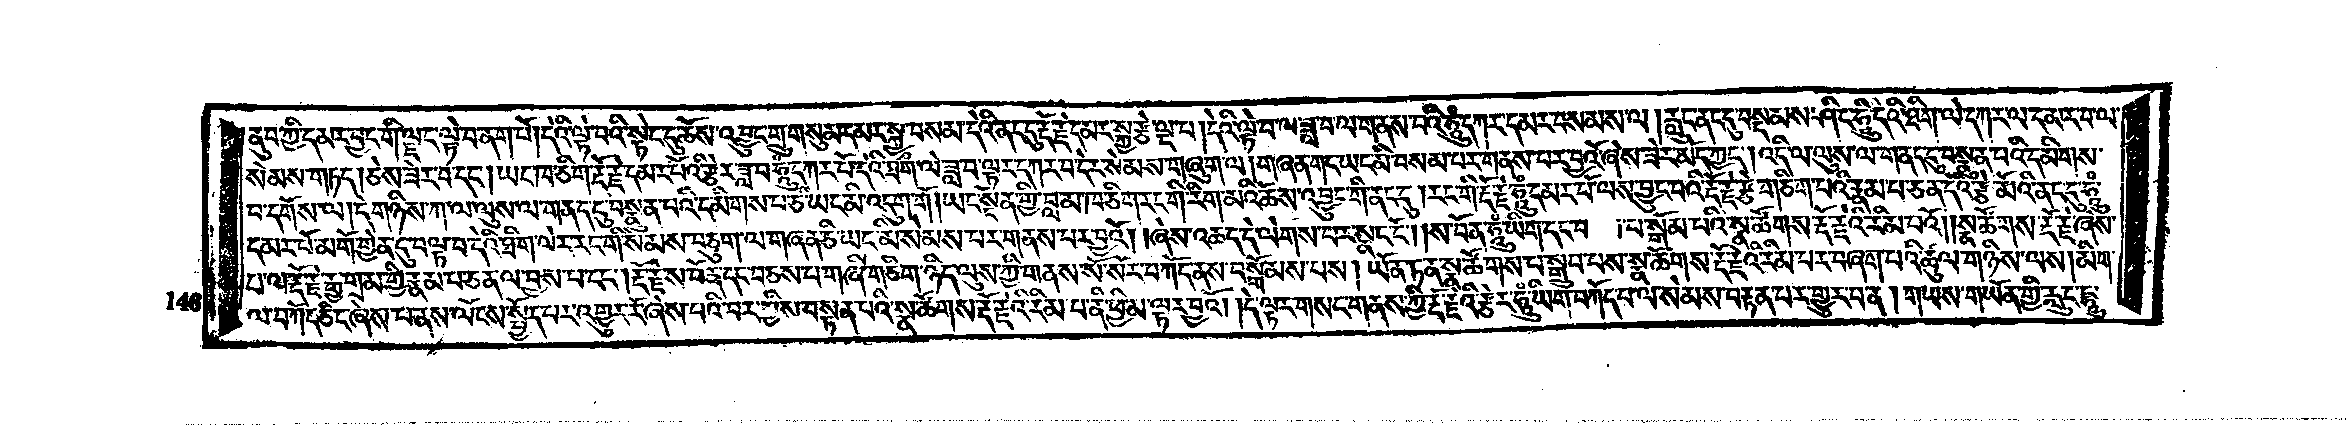ནུབ་ཀྱི་དམར་བྱང་གི་ལྗང་ལྟེ་བ་ནག་པོ། དེའི་ལྟེ་བའི་སྟེང་དུ་ཆོས་འབྱུང་གྲུ་གསུམ་དམར་སྐྱ་བསམ་དེའི་ནང་དུ་རྡོ་རྗེ་དམར་སྐྱ་རྩེ་ལྔ་པ། དེའི་ལྟེ་བ་ལ་ཟླ་བ་ལ་གནས་པའི་ཧཱུཾ་དཀར་དམར་བསམས་ལ། རླུང་ནང་དུ་བསྡམས་ཤིང་ཧཱུཾ་དེའི་ཐིག་ལེ་དཀར་ལ་དམར་བ་ལ་
སེམས་གཏད། ཅེས་ཟེར་བ་དང་། ཡང་ཁ་ཅིག་རྡོ་རྗེ་དམར་པོའི་རྩེར་ཟླ་བ་ཧཱུཾ་དཀར་པོ་དེའི་ཐིག་ལེ་ཟླ་བ་ལྟར་དཀར་བ་དེར་སེམས་གཞུག་ལ། གཞན་གང་ཡང་མི་བསམ་པར་གནས་པར་བྱའོ་ཞེས་ཟེར་མོད་ཀྱང་། འདི་ལ་ལུས་ལ་གནད་དུ་བསྣུན་པའི་དམིགས་
པ་དགོས་ལ། དེ་གཉིས་ཀ་ལ་ལུས་ལ་གནད་དུ་བསྣུན་པའི་དམིགས་པ་ཅི་ཡང་མི་འདུག་གོ །ཡང་སྔོན་གྱི་བླ་མ་ཁ་ཅིག་རང་གི་རིག་མའི་ཆོས་འབྱུང་གི་ནང་དུ། རང་གི་རྡོ་རྗེ་ཧཱུཾ་དམར་པོ་ལས་བྱུང་བའི་རྡོ་རྗེ་རྩེ་གཅིག་པའི་རྣམ་པ་ཅན་དེའི་རྩེ་མོའི་ནང་དུ་ཧཱུཾ་
དམར་པོ་མགོ་གྱེན་དུ་བལྟ་བ་དེའི་ཐིག་ལེར་རང་གི་སེམས་བཅུག་ལ་གཞན་ཅི་ཡང་མི་སེམས་པར་གནས་པར་བྱའོ། །ཞེས་འཆད་དེ་ལེགས་པར་སྣང་ངོ། །ས་བོན་ཧཱུཾ་ཡིག་དང་བསམ་?་པ་སྒོམ་པའི་སྣ་ཚོགས་རྡོ་རྗེའི་རིམ་པའོ། །སྣ་ཚོགས་རྡོ་རྗེ་ཞེས་
པ་ལ་རྡོ་རྗེ་རྒྱ་གྲམ་གྱི་རྣམ་པ་ཅན་ལ་བྱས་པ་དང་། རྡོ་རྗེ་ས་བོན་དང་བཅས་པ་བཞི་གཅིག་ཉིད་ལུས་ཀྱི་གནས་སོ་སོར་བཀོད་ནས་བསྒོམས་པས། ཡོན་ཏན་སྣ་ཚོགས་པ་སྒྲུབ་པས་སྣ་ཚོགས་རྡོ་རྗེའི་རིམ་པར་བཞག་པའི་ཚུལ་གཉིས་ལས། མིག་
ལ་བཀོད་ཅིང་ཞེས་པ་ནས་ལོངས་སྤྱོད་པར་འགྱུར་རོ་ཞེས་པའི་བར་གྱིས་བསྟན་པའི་སྣ་ཚོགས་རྡོ་རྗེའི་རིམ་པ་ནི་ཕྱི་མ་ལྟར་བྱའོ། །དེ་ལྟར་གསང་གནས་ཀྱི་རྡོ་རྗེའི་རྩེར་ཧཱུཾ་ཡིག་བཀོད་པ་ལ་སེམས་བརྟན་པར་གྱུར་པ་ན། གཡས་གཡོན་གྱི་རླུང་དྷཱུ་